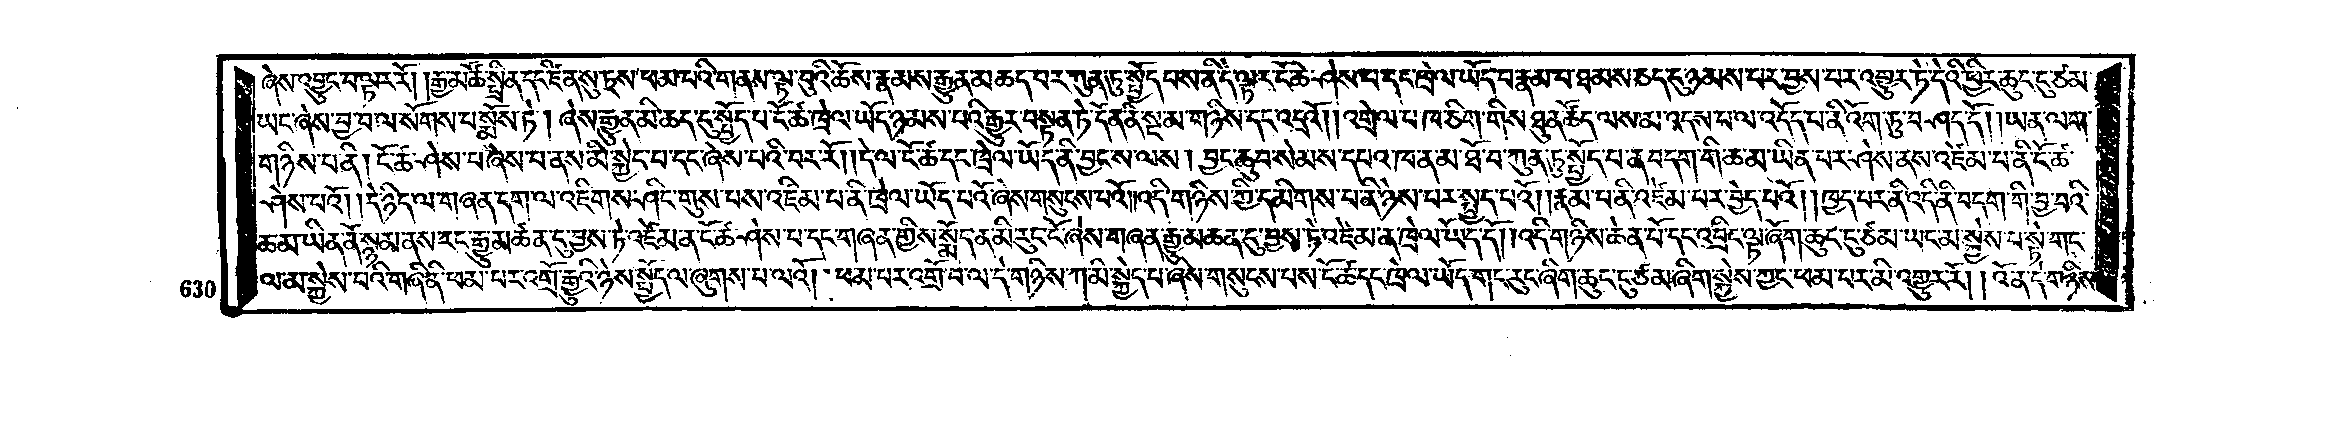ཞེས་འབྱུང་བ་ལྟར་རོ། །རྒྱ་མཚོ་སྤྲིན་དང་ཛི་ན་སུ་ཏྲས་ཕམ་པའི་གནས་ལྟ་བུའི་ཆོས་རྣམས་རྒྱུན་མ་ཆད་པར་ཀུན་ཏུ་སྤྱོད་པས་ནི་དེ་ལྟར་ངོ་ཚ་ཤེས་པ་དང་ཁྲེལ་ཡོད་པ་རྣམ་པ་ཐམས་ཅད་དུ་ཉམས་པར་བྱས་པར་འགྱུར་ཏེ་དེའི་ཕྱིར་ཆུང་ངུ་ཙམ་
ཡང་ཞེས་བྱ་བ་ལ་སོགས་པ་སྨོས་ཏེ། ཞེས་རྒྱུན་མི་ཆད་དུ་སྤྱོད་པ་ངོ་ཚ་ཁྲེལ་ཡོད་ཉམས་པའི་རྒྱུར་བསྟན་ཏེ་དོན་ནི་སྔ་མ་གཉིས་དང་འདྲའོ། །འགྲེལ་པ་ཁ་ཅིག་གིས་ཐུན་ཚོད་ལས་མ་འདས་པ་ལ་འདོད་པ་ནི་འོག་ཏུ་བཤད་དོ། །ཡན་ལག་
གཉིས་པ་ནི། ངོ་ཚ་ཤེས་པ་ཞེས་པ་ནས་མི་སྐྱེད་པ་དང་ཞེས་པའི་བར་རོ། །དེ་ལ་ངོ་ཚ་དང་ཁྲེལ་ཡོད་ནི་བྱང་ས་ལས། བྱང་ཆུབ་སེམས་དཔའ་ཁ་ན་མ་ཐོ་བ་ཀུན་ཏུ་སྤྱོད་པ་ན་བདག་གི་ཆ་མ་ཡིན་པར་ཤེས་ནས་འཛེམ་པ་ནི་ངོ་ཚ་
ཤེས་པའོ། །དེ་ཉིད་ལ་གཞན་དག་ལ་འཇིགས་ཤིང་གུས་པས་འཛིམ་པ་ནི་ཁྲེལ་ཡོད་པའོ་ཞེས་གསུངས་པའོ། །འདི་གཉིས་ཀྱི་དམིགས་པ་ནི་ཉེས་པར་སྤྱད་པའོ། །རྣམ་པ་ནི་འཛེམ་པར་བྱེད་པའོ། །ཁྱད་པར་ནི་འདི་ནི་བདག་གི་བྱ་བའི་
ཆ་མ་ཡིན་ནོ་སྙམ་ནས་རང་རྒྱུ་མཚན་དུ་བྱས་ཏེ་འཛེམ་ན་ངོ་ཚ་ཤེས་པ་དང་གཞན་གྱིས་སྨོད་ན་མི་རུང་ངོ་ཞེས་གཞན་རྒྱུ་མཆན་དུ་བྱས་ཏེ་འཛེམ་ན་ཁྲེལ་ཡོད་དོ། །འདི་གཉིས་ཆེན་པོ་དང་འབྲིང་ལྟ་ཞོག་ཆུང་ངུ་ཙམ་ཡང་མ་སྐྱེས་པ་སྟེ་གང་
ལ་མ་སྐྱེས་པའི་གཞི་ནི་ཕམ་པར་འགྲོ་རྒྱུའི་ཉེས་སྤྱོད་ལ་ཞུགས་པ་ལའོ། །ཕམ་པར་འགྲོ་བ་ལ་དེ་གཉིས་ཀ་མི་སྐྱེད་པ་ཞེས་གསུངས་པས་ངོ་ཚ་དང་ཁྲེལ་ཡོད་གང་རུང་ཞིག་ཆུང་ངུ་ཙམ་ཞིག་སྐྱེས་ཀྱང་ཕམ་པར་མི་འགྱུར་རོ། །འོ་ན་དེ་གཉིས་